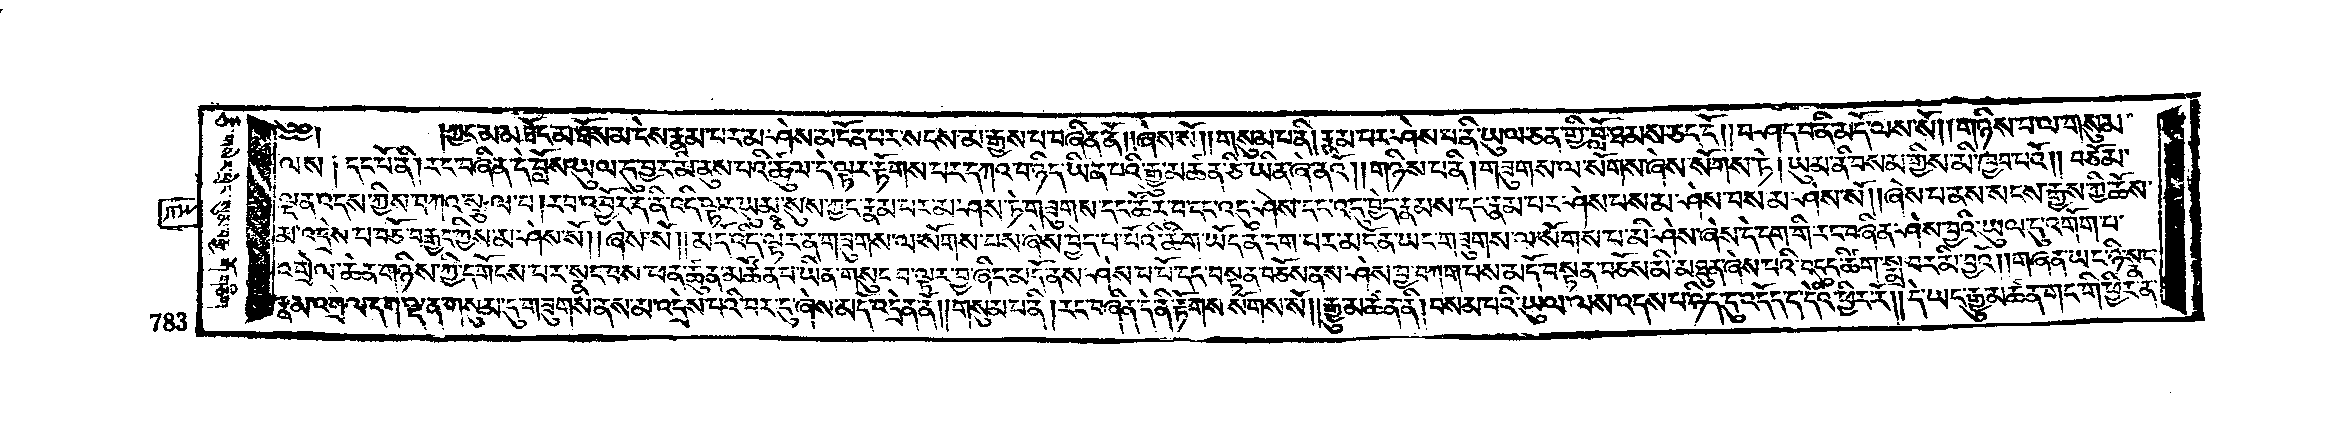༄༅། །ཀྱང་མ་མཐོང་མ་ཐོས་མ་ངེས་རྣམ་པར་མ་ཤེས་མངོན་པར་སངས་མ་རྒྱས་པ་བཞིན་ནོ། །ཞེས་སོ། །གསུམ་པ་ནི། རྣམ་པར་ཤེས་པ་ནི་ཡུལ་ཅན་གྱི་བློ་ཐམས་ཅད་དོ། །བཤད་པ་ནི་མདོ་ལས་སོ། །གཉིས་པ་ལ་གསུམ་
ལས། དང་པོ་ནི། རང་བཞིན་དེ་བློས་ཡུལ་དུ་བྱར་མི་ནུས་པའི་ཚུལ་དེ་ལྟར་རྟོགས་པར་དཀའ་བ་ཉིད་ཡིན་པའི་རྒྱུ་མཚན་ཅི་ཡིན་ཞེ་ནའོ། །གཉིས་པ་ནི། གཟུགས་ལ་སོགས་ཞེས་སོགས་ཏེ། ཡུམ་ནི་བསམ་གྱིས་མི་ཁྱབ་པའོ། །བཅོམ་
ལྡན་འདས་ཀྱིས་བཀའ་སྩལ་པ། རབ་འབྱོར་དེ་ནི་འདི་ལྟར་ཡུམ་སུས་ཀྱང་རྣམ་པར་མ་ཤས་ཏེ་གཟུགས་དང་ཚོར་བ་དང་འདུ་ཤེས་དང་འདུ་བྱེད་རྣམས་དང་རྣམ་པར་ཤེས་པས་མ་ཤེས་པས་མ་ཤེས་སོ། །ཞེས་པ་ནས་སངས་རྒྱས་ཀྱི་ཆོས་
མ་འདྲེས་པ་བཅོ་བརྒྱད་ཀྱིས་མ་ཤེས་སོ། །ཞེས་སོ། །མདོ་འདི་ལྟར་ན་གཟུགས་ལ་སོགས་པས་ཞེས་བྱེད་པ་པོའི་ཚིག་ཡོད་ན་དག་པར་མངོན་ཡང་གཟུགས་ལ་སོགས་པ་མི་ཤེས་ཞེས་དེ་དག་གི་རང་བཞིན་ཤེས་བྱའི་ཡུལ་དུ་འགོག་པ་
འགྲེལ་ཆེན་གཉིས་ཀྱི་དགོངས་པར་སྣང་བས་ཕན་ཚུན་མཚོན་པ་ཡིན་གསུང་བ་ལྟར་བྱ་ཞིང་མདོ་ནས་ཤེས་པ་པོ་དང་བསྟན་བཅོས་ནས་ཤེས་བྱ་བཀག་པས་མདོ་བསྟན་བཅོས་མི་མཐུན་ཞེས་པའི་བདུད་ཚིག་སྨྲ་བར་མི་བྱའོ། །གཞན་ཡང་ཉི་སྣང་
རྣམ་འགྲེལ་དག་ལྡན་གསུམ་དུ་གཟུགས་ནས་མ་འདྲེས་པའི་བར་དུ་ཞེས་མདོ་འདྲེན་ནོ། །གསུམ་པ་ནི། རང་བཞིན་དེ་ནི་རྟོགས་སོགས་སོ། །རྒྱུ་མཚན་ནི། བསམ་པའི་ཡུལ་ལས་འདས་པ་ཉིད་དུ་འདོད་དེའི་ཕྱིར་རོ། །དེ་ཡང་རྒྱུ་མཚན་གང་གི་ཕྱིར་ན་